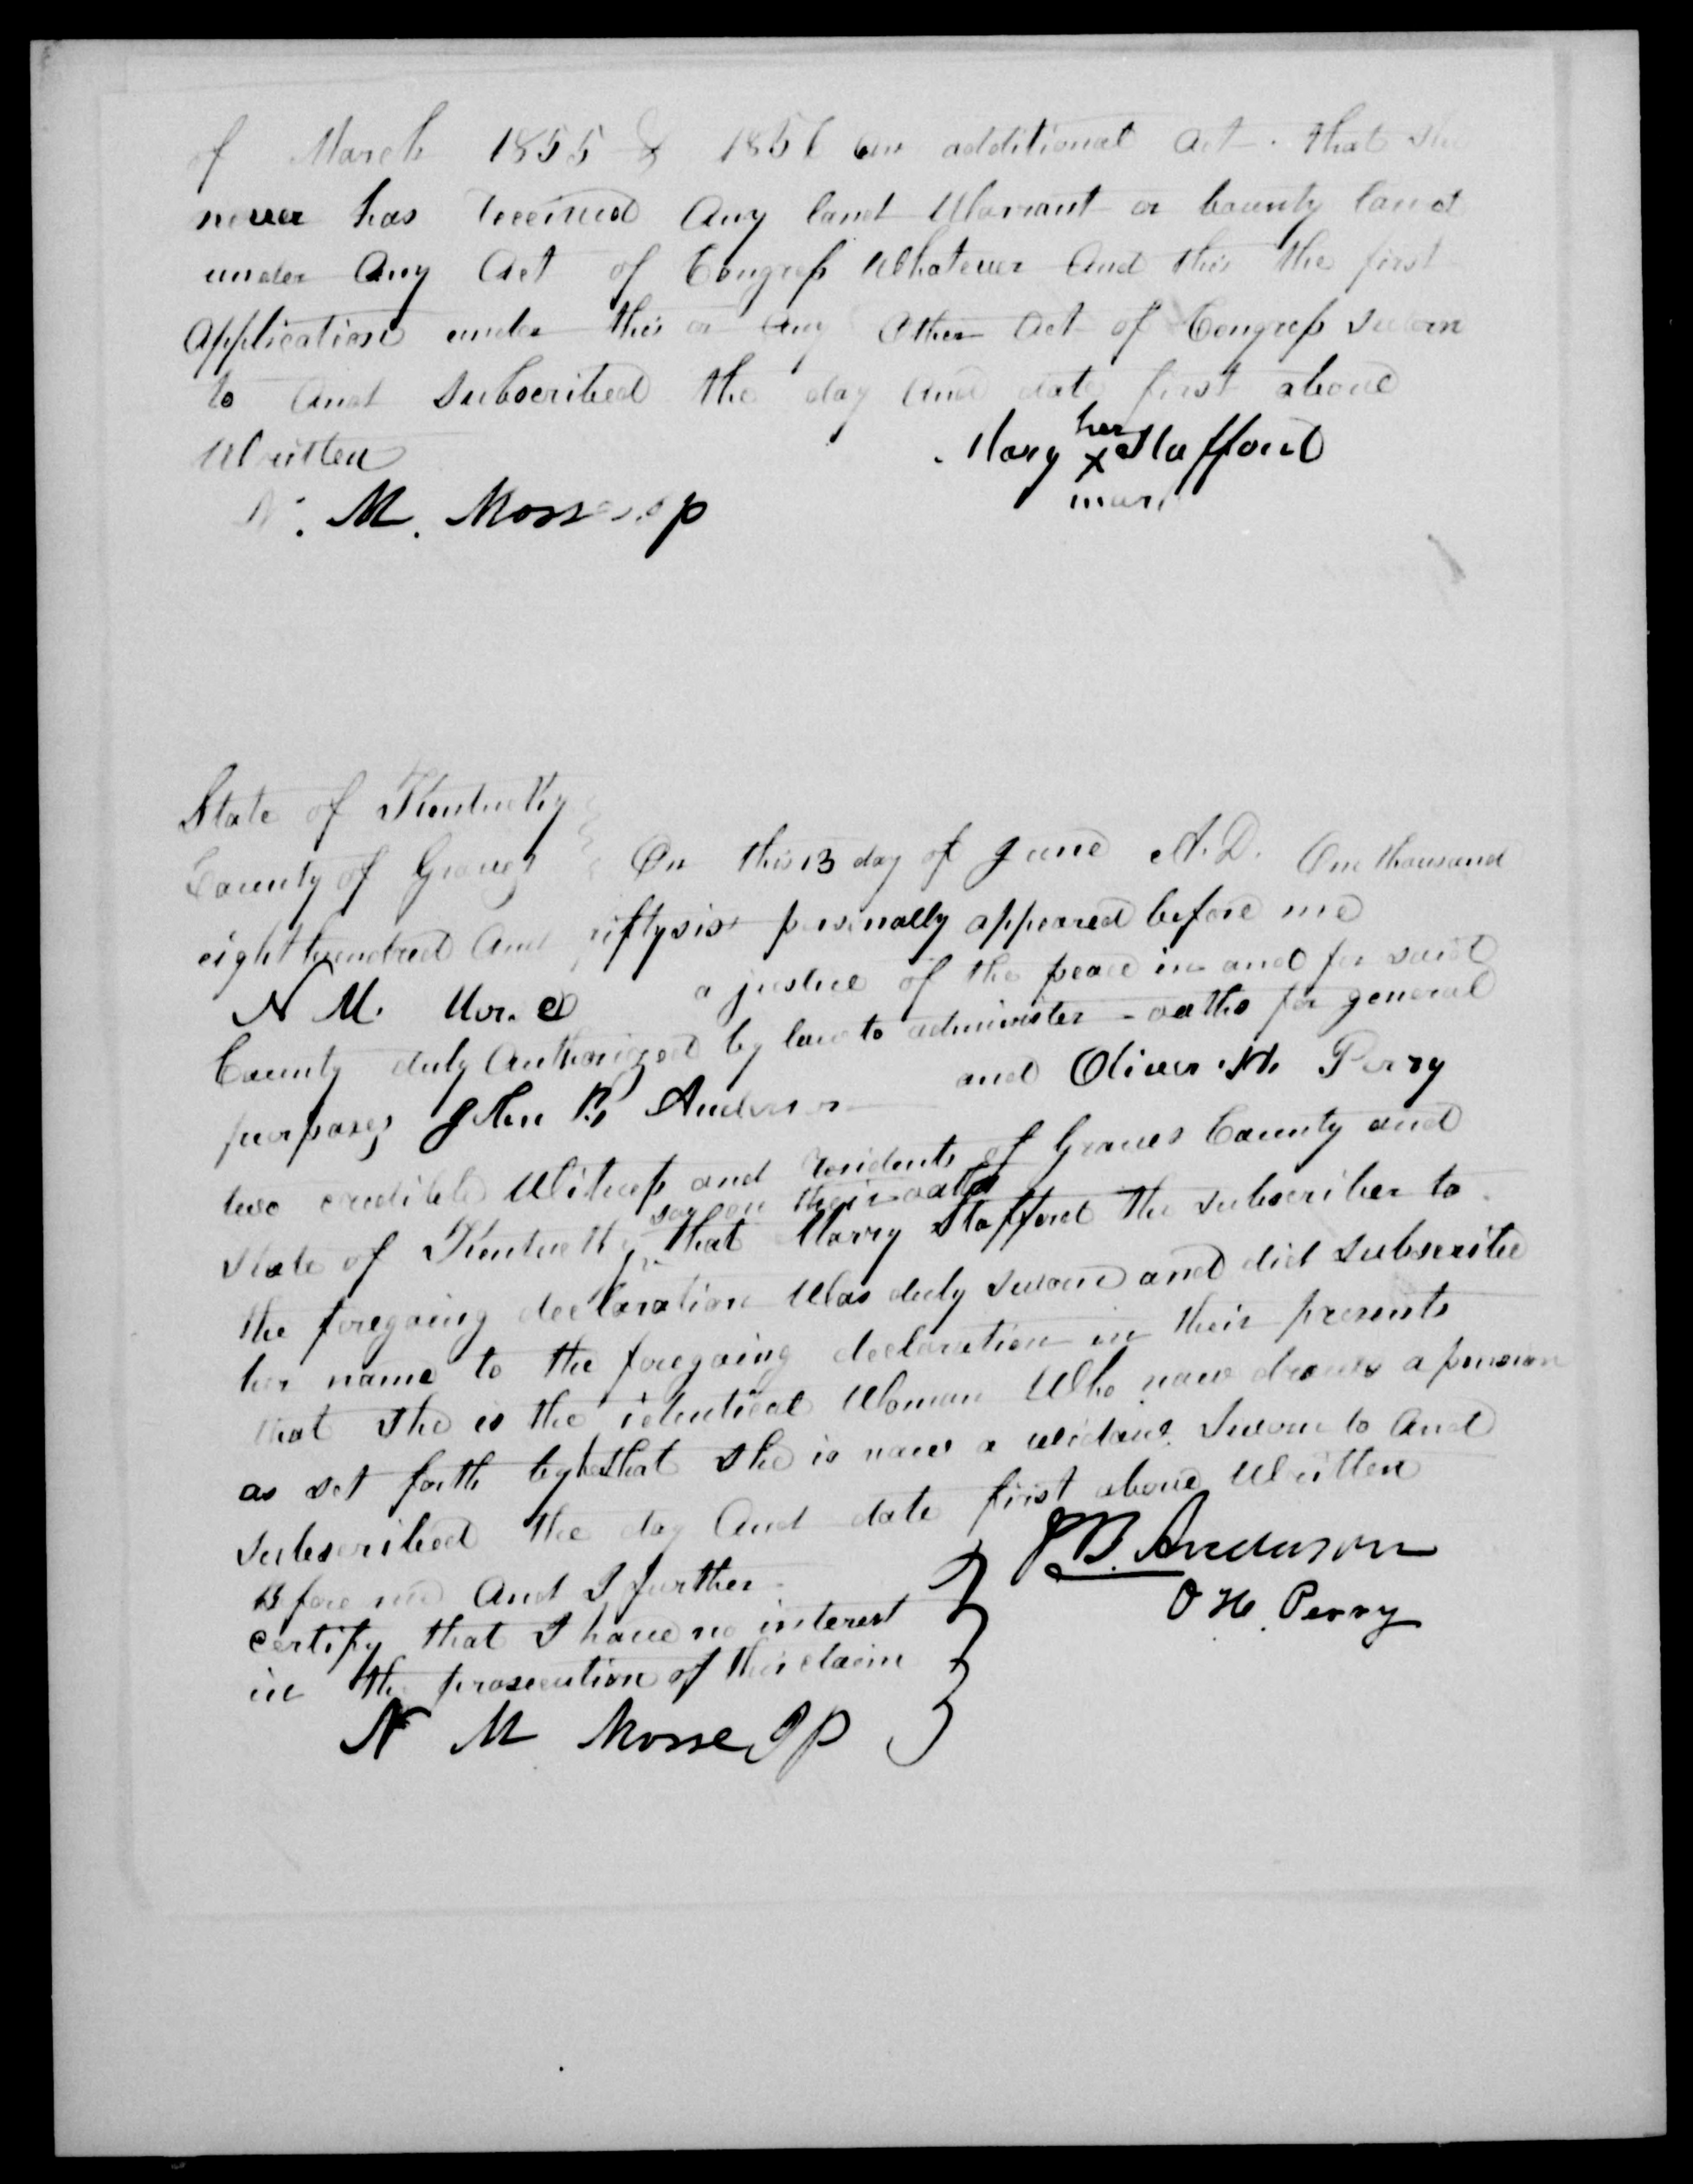for March 1855 an additional Act. that she never has received Any land Warrant under Any Act of Congrefs Whatever And this the first Application under this or Any Other Act of Congrefs sworn to And Subscribed the day And date first above Written 
: N.M. Morse op			Mary her x mark Stafford


State of Kentucky
County of Graves On this 13 day of June A. D. One thousand eight hundred And Fifty six personally appeared before me N. M. Morse a justice of the peace in and and for said County duly Authorized by law to administer oaths for general purposes John B. Anderson and Oliver H. Perry two credible Witnefs and residents of Graves County andState of Kentucky say upon their oath that Mary Stafford the subscriber to the foregoing declaration Was duly sworn an did subscribe her name to the foregoing declaration in their presents that she is the identical Woman Who now draws a pension as set forth by her that she is now a widow. Sworn to And subscribed the day And date first above Written Before me And I further certify that I have no interest in the prosecution of this claim
N. M. Morse op

J B Anderson
O H Perry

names: J B Anderson; Oliver H Perry; N M Morse; O H Perry; John B Anderson; Mary Stafford; N M Morse; Marry Stafford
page: 14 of 61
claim: widow's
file: W. 11554, for John Stafford, Maryland